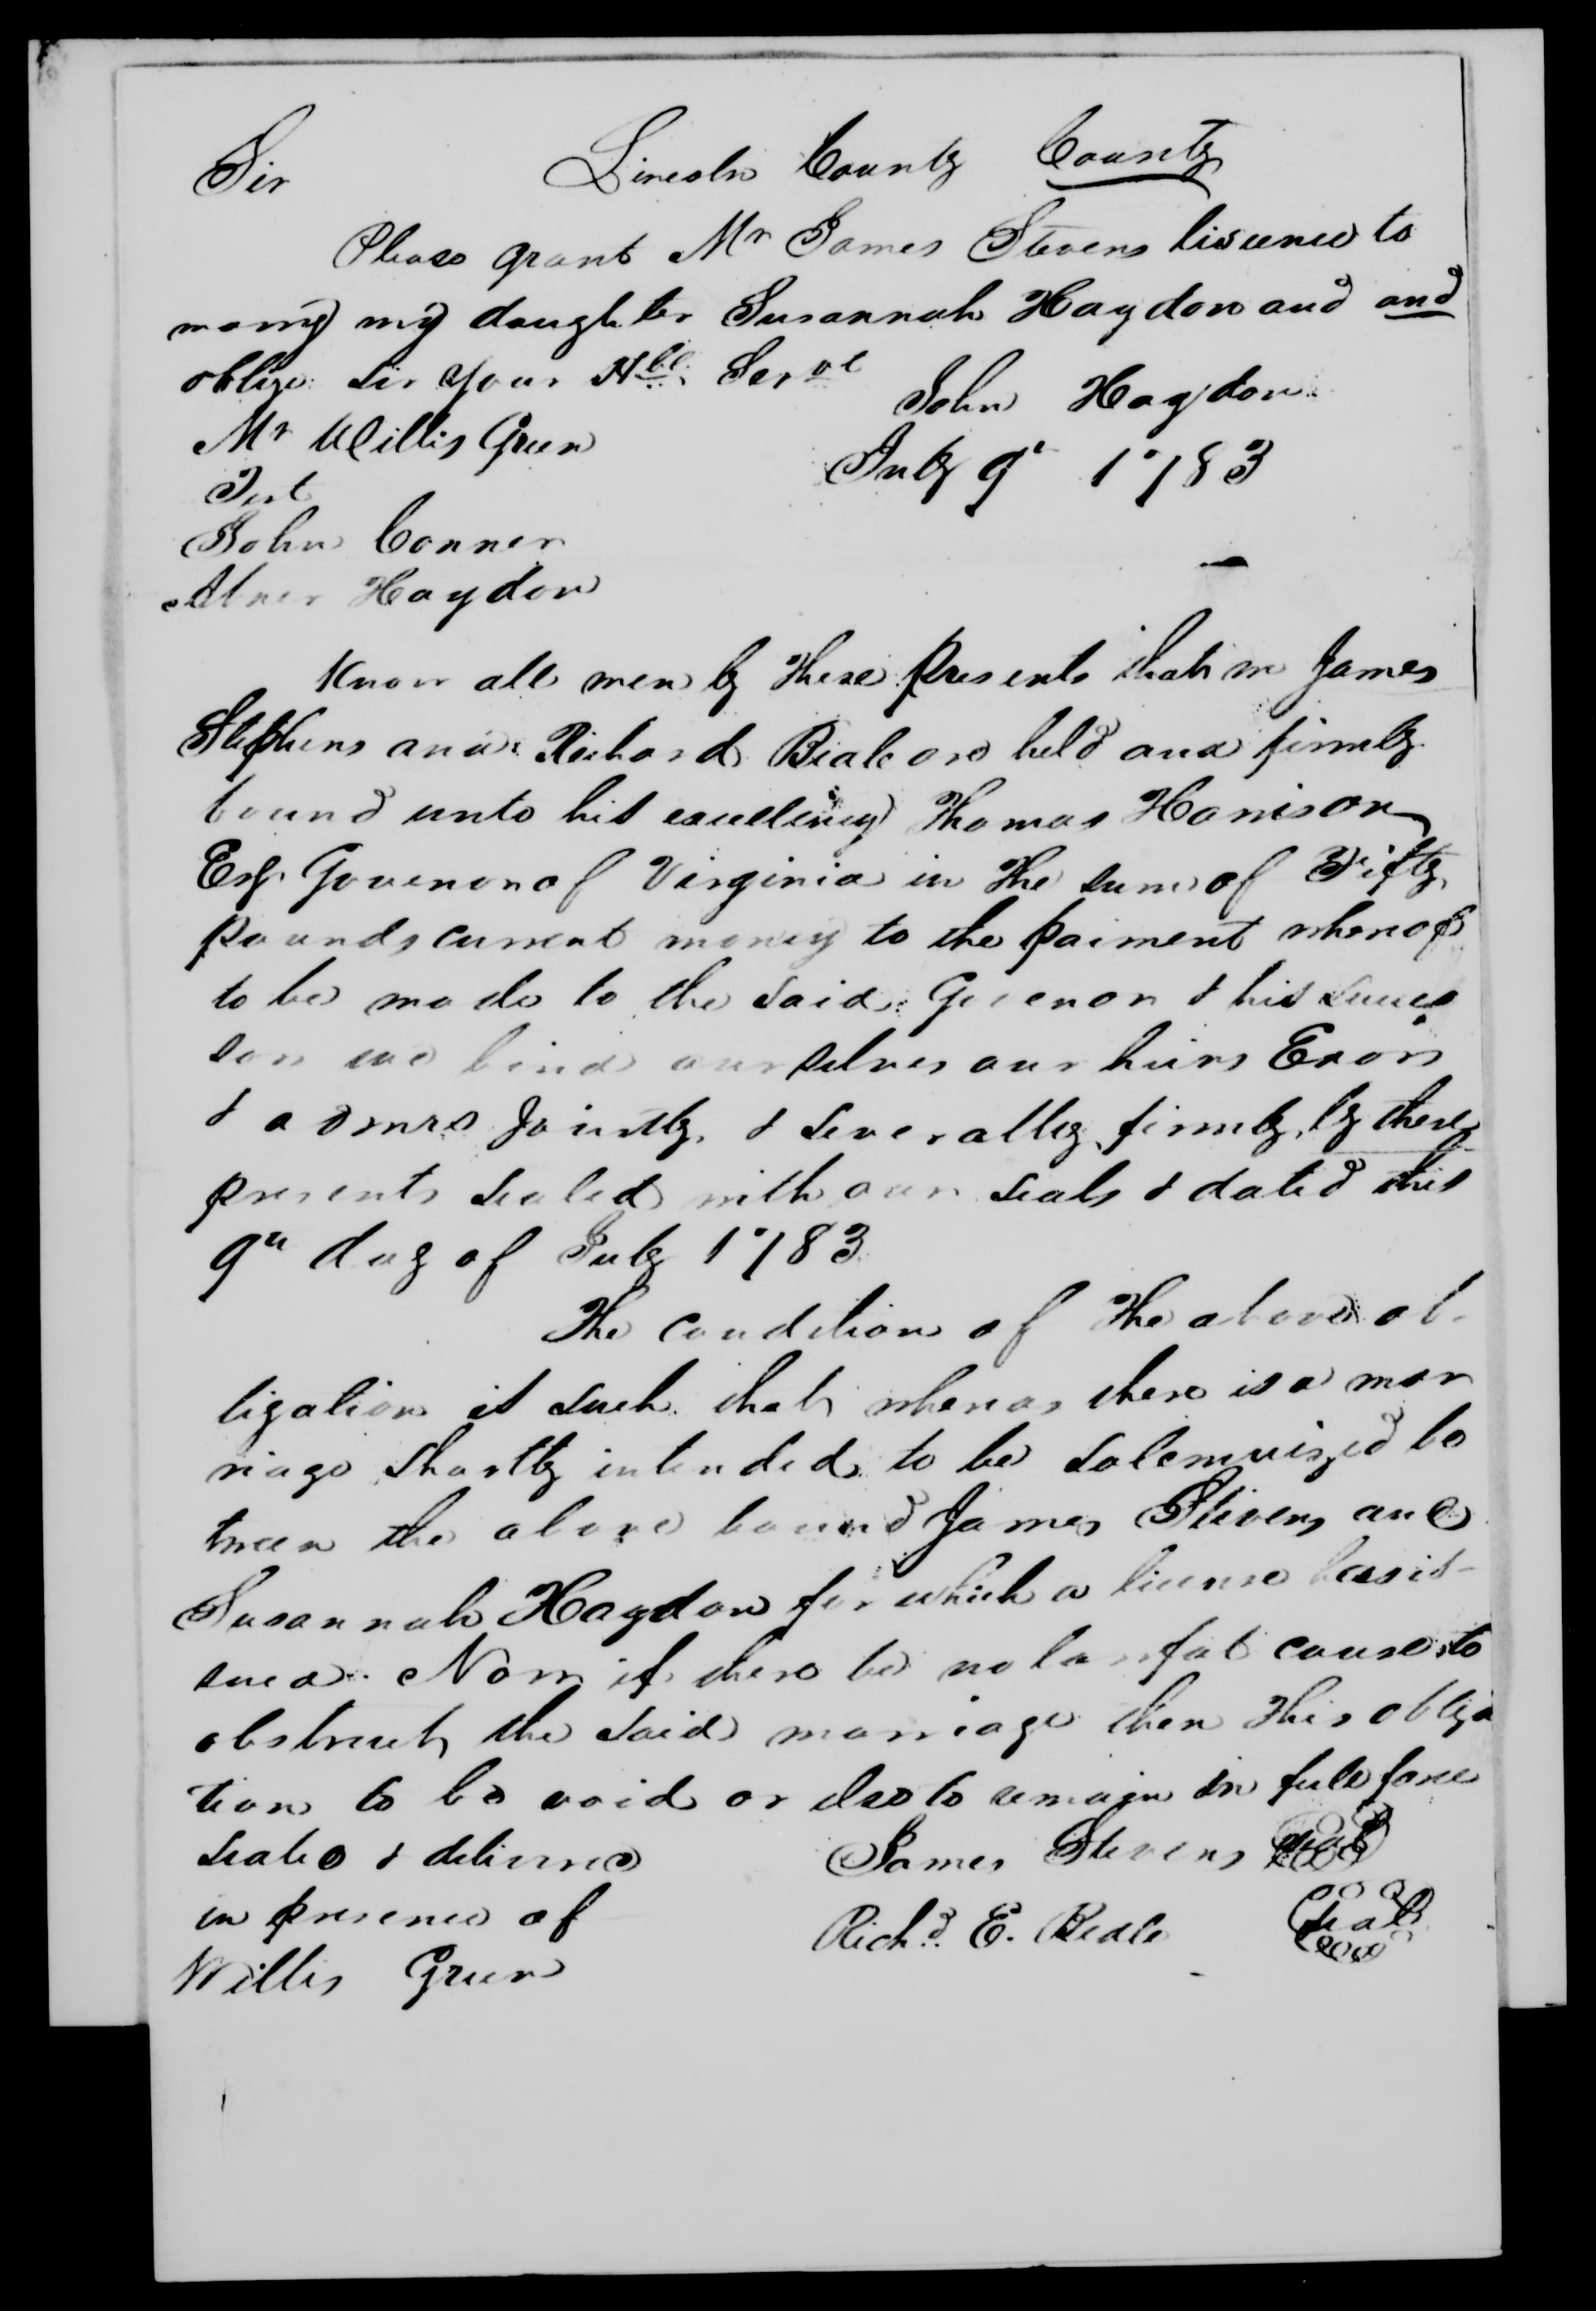Sir    Lincoln County  County [underlined]
Please grant Mr James Stevens liscened to marry my daughter Susannah Haydon and and [underlined] oblige Sir your Abl Servt
John Haydon
Mr Willis Green   July 9 1783
Test
John Conner
Abner Haydon

Know all men by these presents that [illegible] James Stephens and Richard Beale are held and firmly bound unto his eaullinig Thomas Hanison Esq Govenon of Virginia in The sum of Fifty pounds current money to the paiment whereof to be made to the Said Govenor & his [illegible] son we bind ourselves our heirs Enon & admrs Jointly & Severally firmly by these presents Sealed with our Seals & dated this 9th day of July 1783

The condition of The above obligation is such that wheras there is a marriage shortly intended to be solemnized between the above bound James Stevens and Susannah Haydon for which a license has issued Now if there be no lawful cause to obstruct the Said marriage then This obligation to be void or lso to remain in full fore
Sealed & delivrd       James Stevens Seal [with squiggly line around]
in presence of       Richd E Beale   Seal [with squiaggly line around]
Willis Green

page: 17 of 99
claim: widow's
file: W 8766, for James Stevens, Virginia